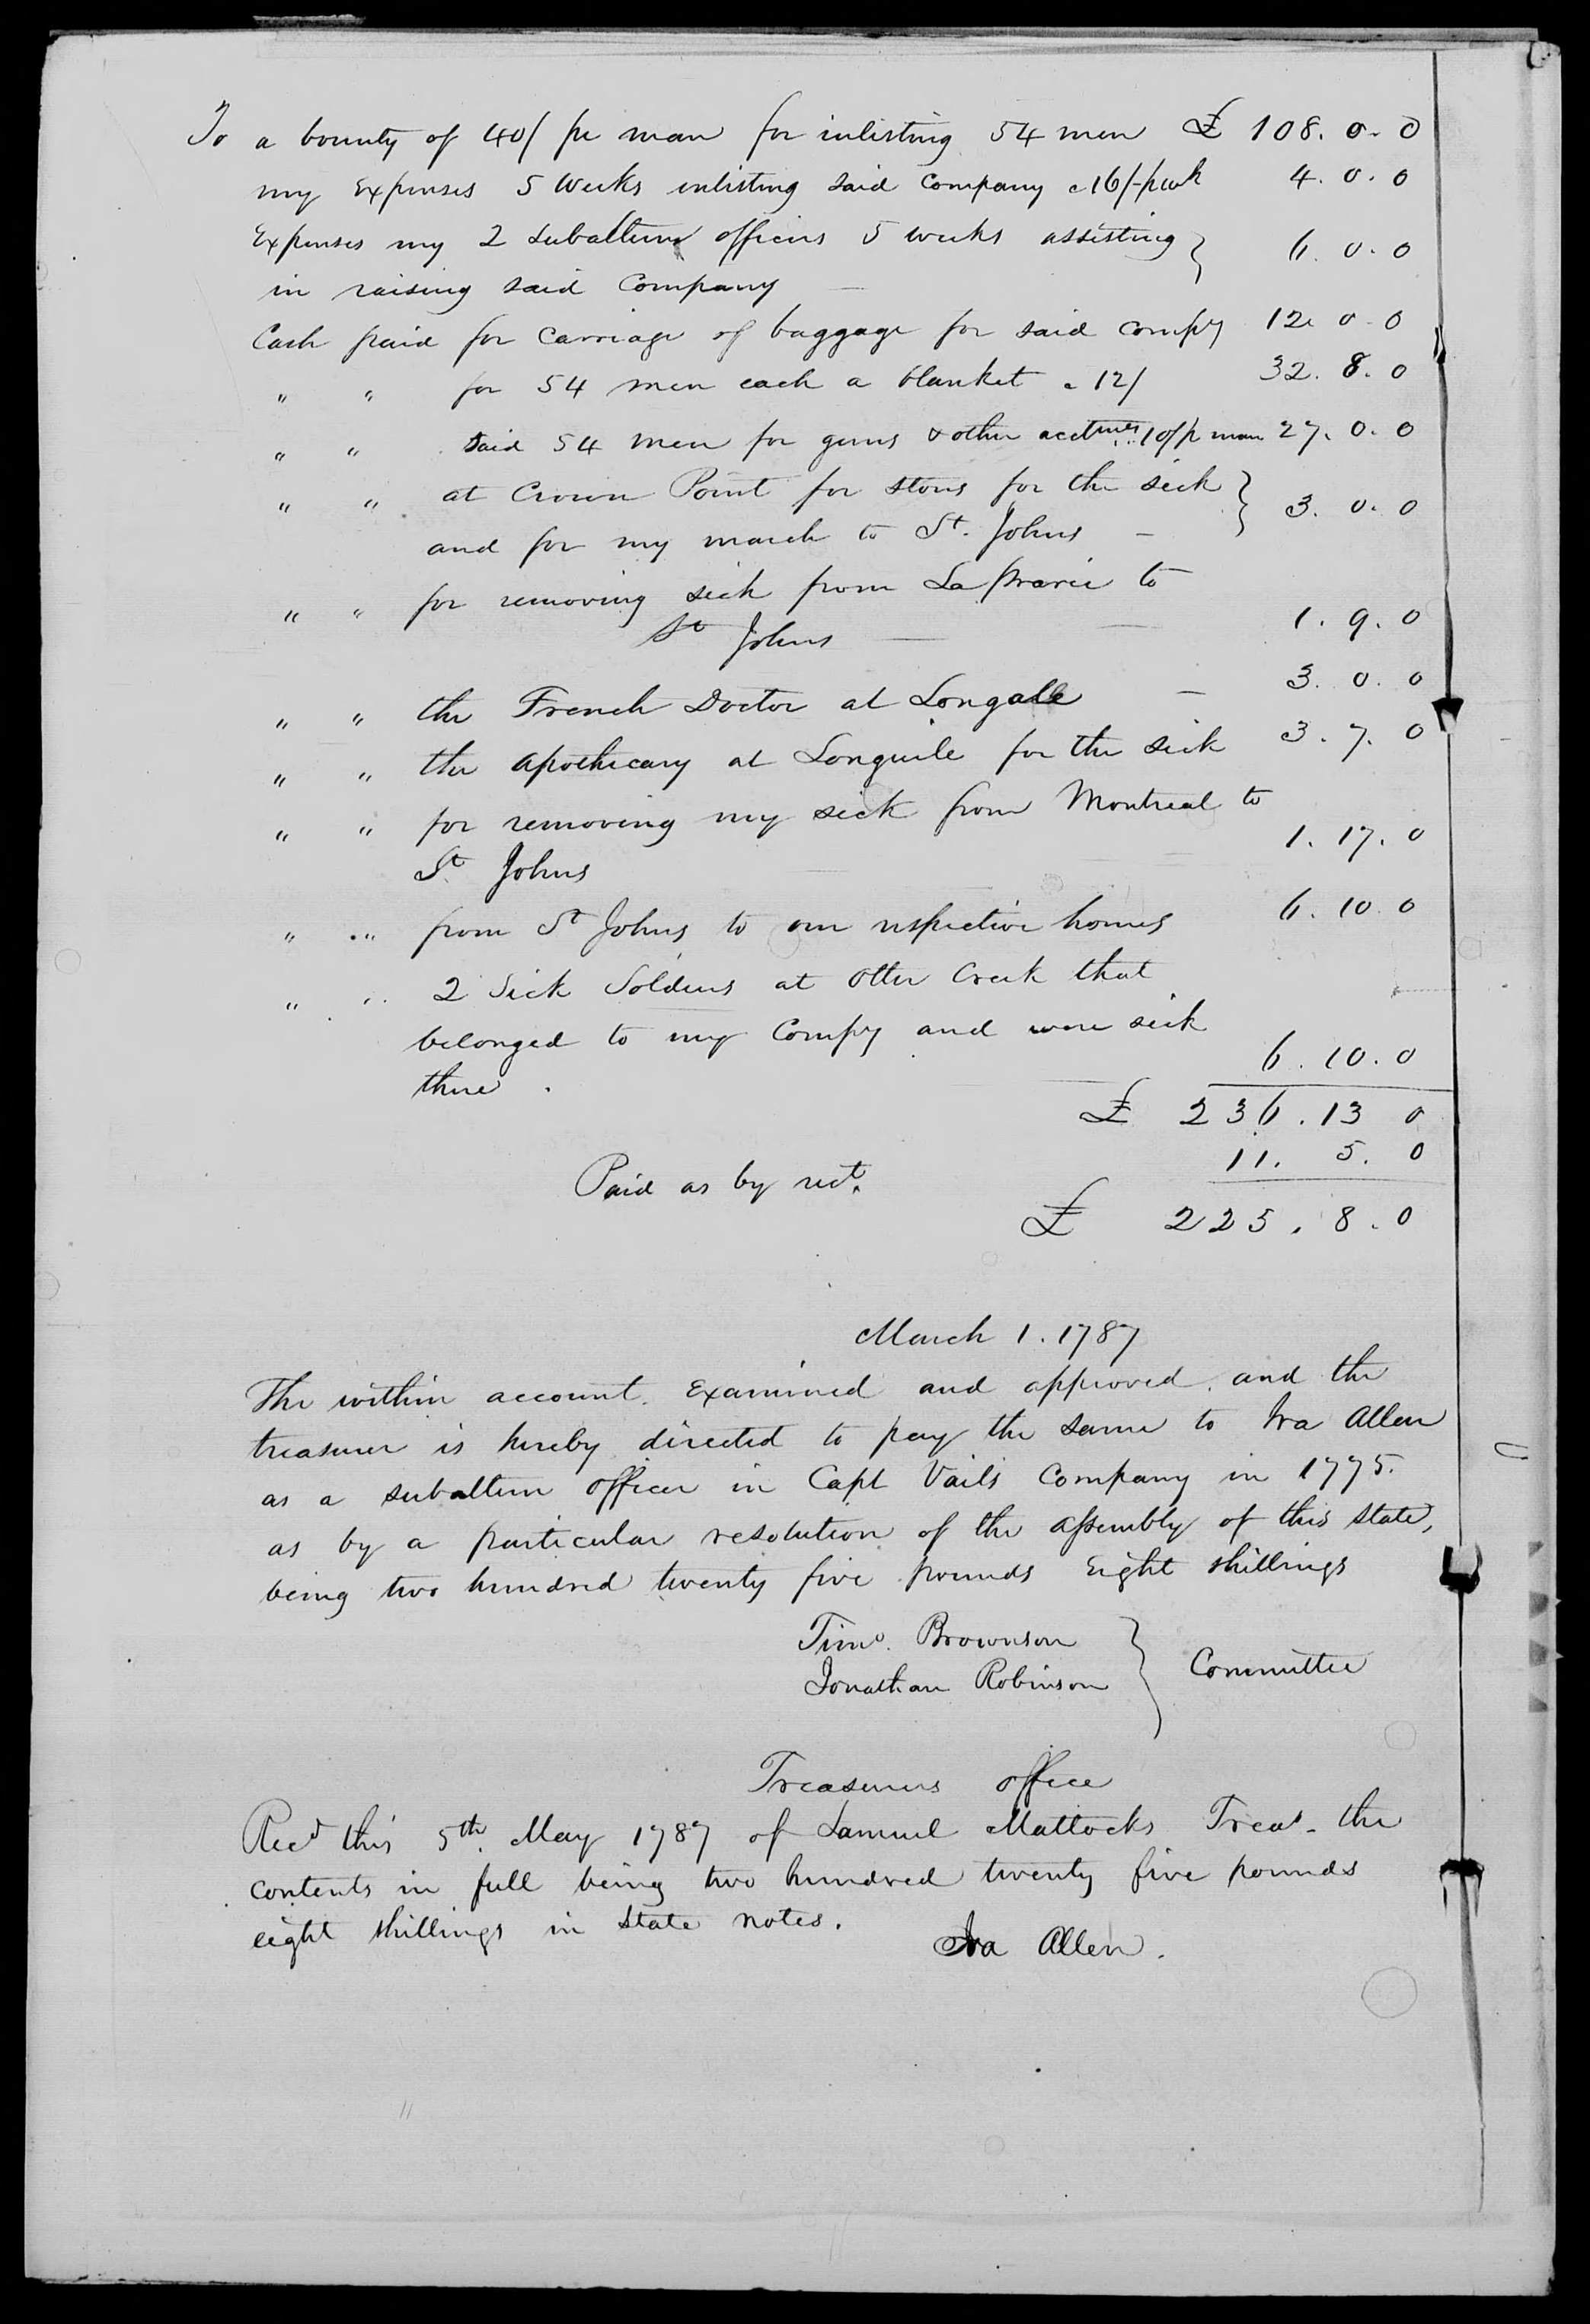To a bounty of 40/ pr man for inlisting 54 men #108.0.0
my expenses 5 weeks enlisting said company 16/per 4.0.0
Expenses my 2 subaltern officers 5 weeks assisting 
in raising said Company 6.0.0
Cash paid for carriage of baggage for said compy 12.0.0
Cash paid for 54 men each a blanket 12/ 32.8.0
Cash paid said 54 men for guns & other acct’rus of [war?] 27.0.0
Cash paid at Crown Point for Stores for the sick 
and for my march to St. John’s 3.0.0
Cash paid for removing sick from La [Marie] to
St John’s 1.9.0
Cash paid French Doctor at Longall 3.0.0
Cash paid the Apothecary at Longuile for the sick
3.7.0
Cash paid for removing my sick from Montreal to St Johns
1.17.0
Cash paid from St Johns to our respective homes
6.10.0
Cash paid 2 sick Soldiers at Otter Creek that belonged
to my Compy and were sick there 6.10.0
#236.13.0
Paid as by rec’t 11. 5.0
#225.8.0 [total]

March 1. 1787
The within account Examined and approved and the
treasurer is hereby directed to pay the same to Ira Allen
as a subaltern officer in Capt Vail’s Company in 1775, 
as by a particular resolution of the assembly of this State
being two hundred twenty five pounds eight shillings.
Tim’o Brownson
Jonathan Robinson
Committee

Treasurers office
Rec;d this 5th May 1787 of Samuel Mattocks Treas the
contents in full being two hundred twenty five pounds
eight shillings in State notes.
Ira Allen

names: Jonathan Robinson; Samuel Mattocks; Ira Allen; Timo Brownson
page: 28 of 99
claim: widow's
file: W. 24,482, for Richard Lattin, Vermont